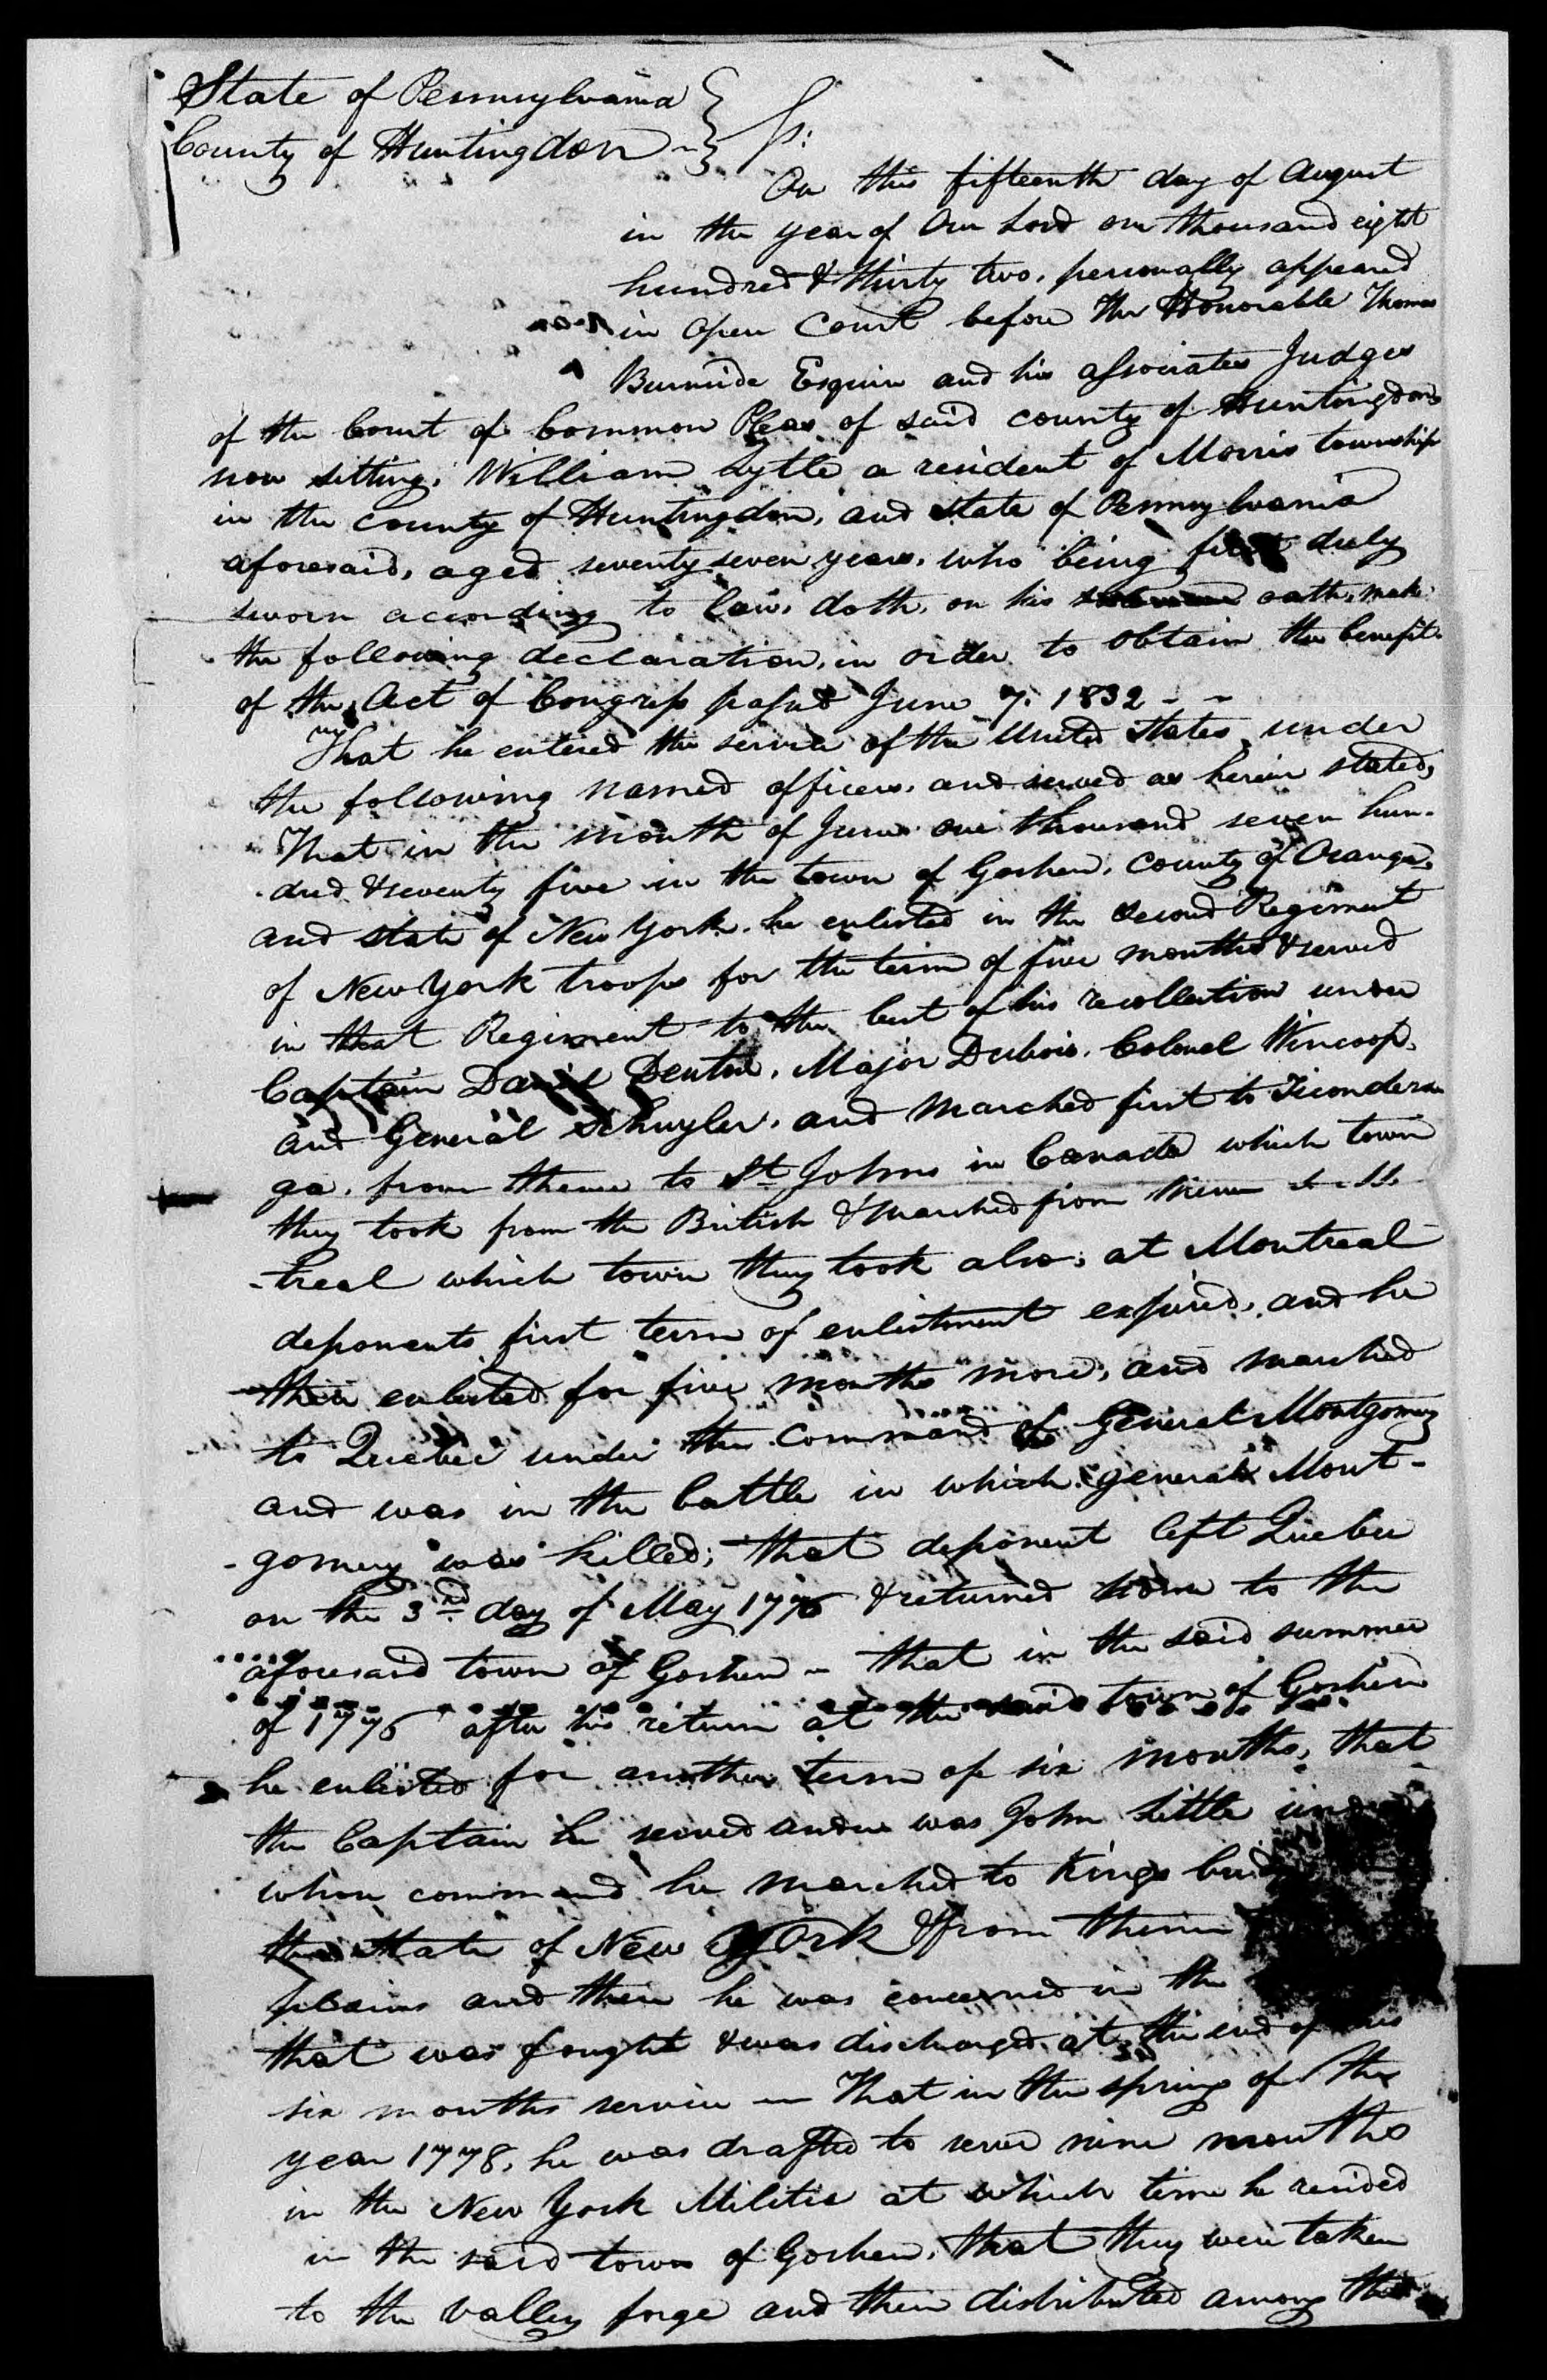State of Pennsylvania
County of Huntingdon } ss:
On this fifteenth day of August the year of Our Lord one thousand eight hundred & thirty two, personally appeared in open Court before the Honorable Thomas Burnside Esquire and his associates Judges of the Court of Common Pleas of said County of Huntingdon, now sitting, William Lytle, a resident of Morris Township in the County of Huntingdon, and State of Pennsylvania aforesaid, aged seventy seven years, who being first duly sworn according to law doth on his oath make
the following declaration in order to obtain the benefit of the Act of Congress passed June 7. 1832.
That he entered the service of the United States under the following named officers, and served as herein stated.
That in the month of June one thousand seven hundred & seventy five in the town of Goshen, County of Orange and State of New York, he enlisted in the second Regiment of New York troops for the term of five months & served
in that Regiment to the best of his recollection under Captain Daniel Denton, Major Dubois, Colonel Wincoop and General Schuyler, and marched first to Ticonderoga, from thence to St Johns in Canada, which town they took from the British & Marched from there to Montreal,
which town they took also; at Montreal
deponent's first term of enlistment expired, and he then enlisted for five months more, and marched to Quebec under the command of General Montgomery and was in the battle in which General Montgomery was killed; that deponent left Quebec on the 3d day of May 1776 & returned home to the aforesaid town of Goshen -  that in the said summer
of 1776 after he returned to the said town of Goshen, he enlisted for another term of six months;  that the Captain he served under was John Little, under whose command he marched to Kings Bridge in the State of New York & from there to White plains and there he was concerned in the [battle] that was fought & was discharged at the end of his six months service - That in the spring of the year 1778, he was drafted to serve nine months in the New York Militia at which time he resided in the said town of Goshen, that they were taken
to the Valley forge and there distributed among the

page: 5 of 24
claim: survivor's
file: S. 13810, for William Lytle, New York